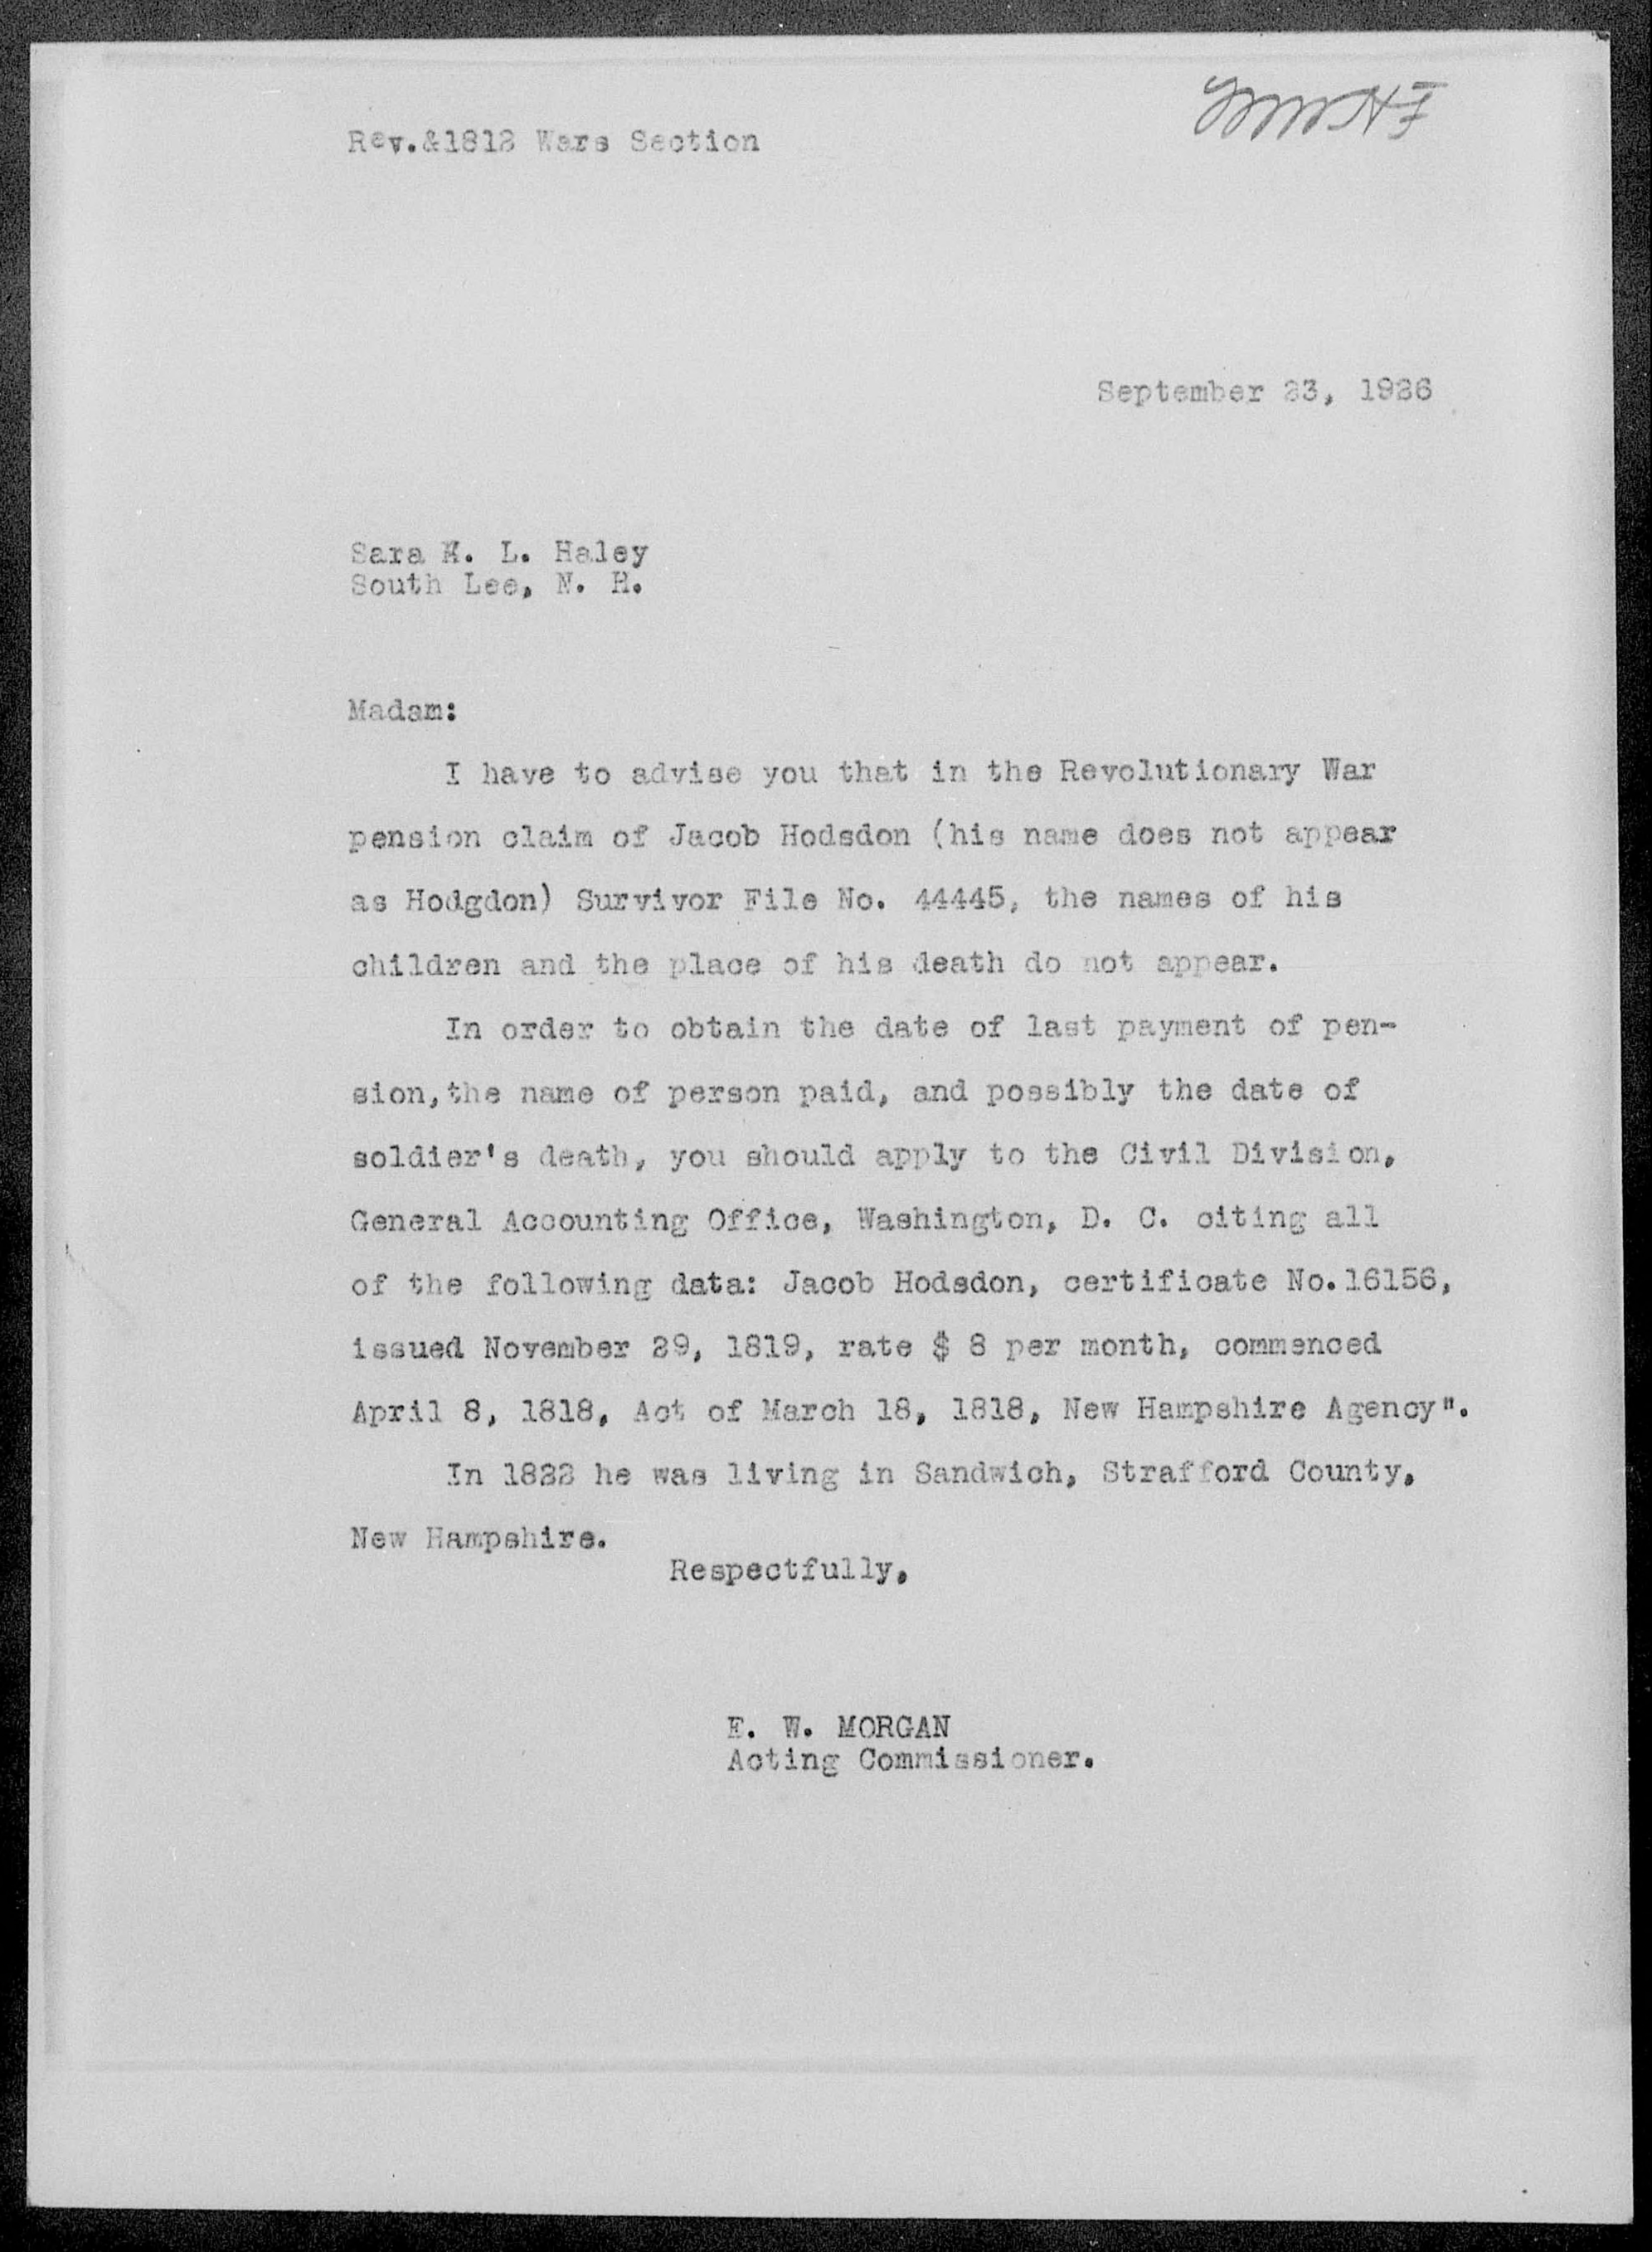Rev. & 1818 Wars Section

September 23, 1936

Sara H.L. Haley
South Lee, N.H.

Madam:
I have to advise you that in the Revolutionary War pension claims of Jacob Hodsdon (his name does not appear as Hodgdon) Survivor File No. 44445, the names of his children and the place of his death do not appear. 
In order to obtain the date of last payment of pension, the name of person paid, and possibly the date of soldier's death, you should apply to the Civil Division, General Accounting Office, Washington, D.C. citing all of the following data: Jacob Hodsdon, certificate No. 16156, issued November 29, 1819, rate $8 per month, commenced April 8, 1818, Act of March 18, 1818, New Hampshire Agency.
In 1832 he was living in Sandwich, Strafford County, New Hampshire.
Respectfully,
E.W. MORGAN
Acting Commissioner.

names: Sara H L Haley, Jacob Hodsdon, Jacob Hodsdon, E W Morgan, Hodgdon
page: 8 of 22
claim: survivor's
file: S 44445, Jacob Hodsdon, Mass.